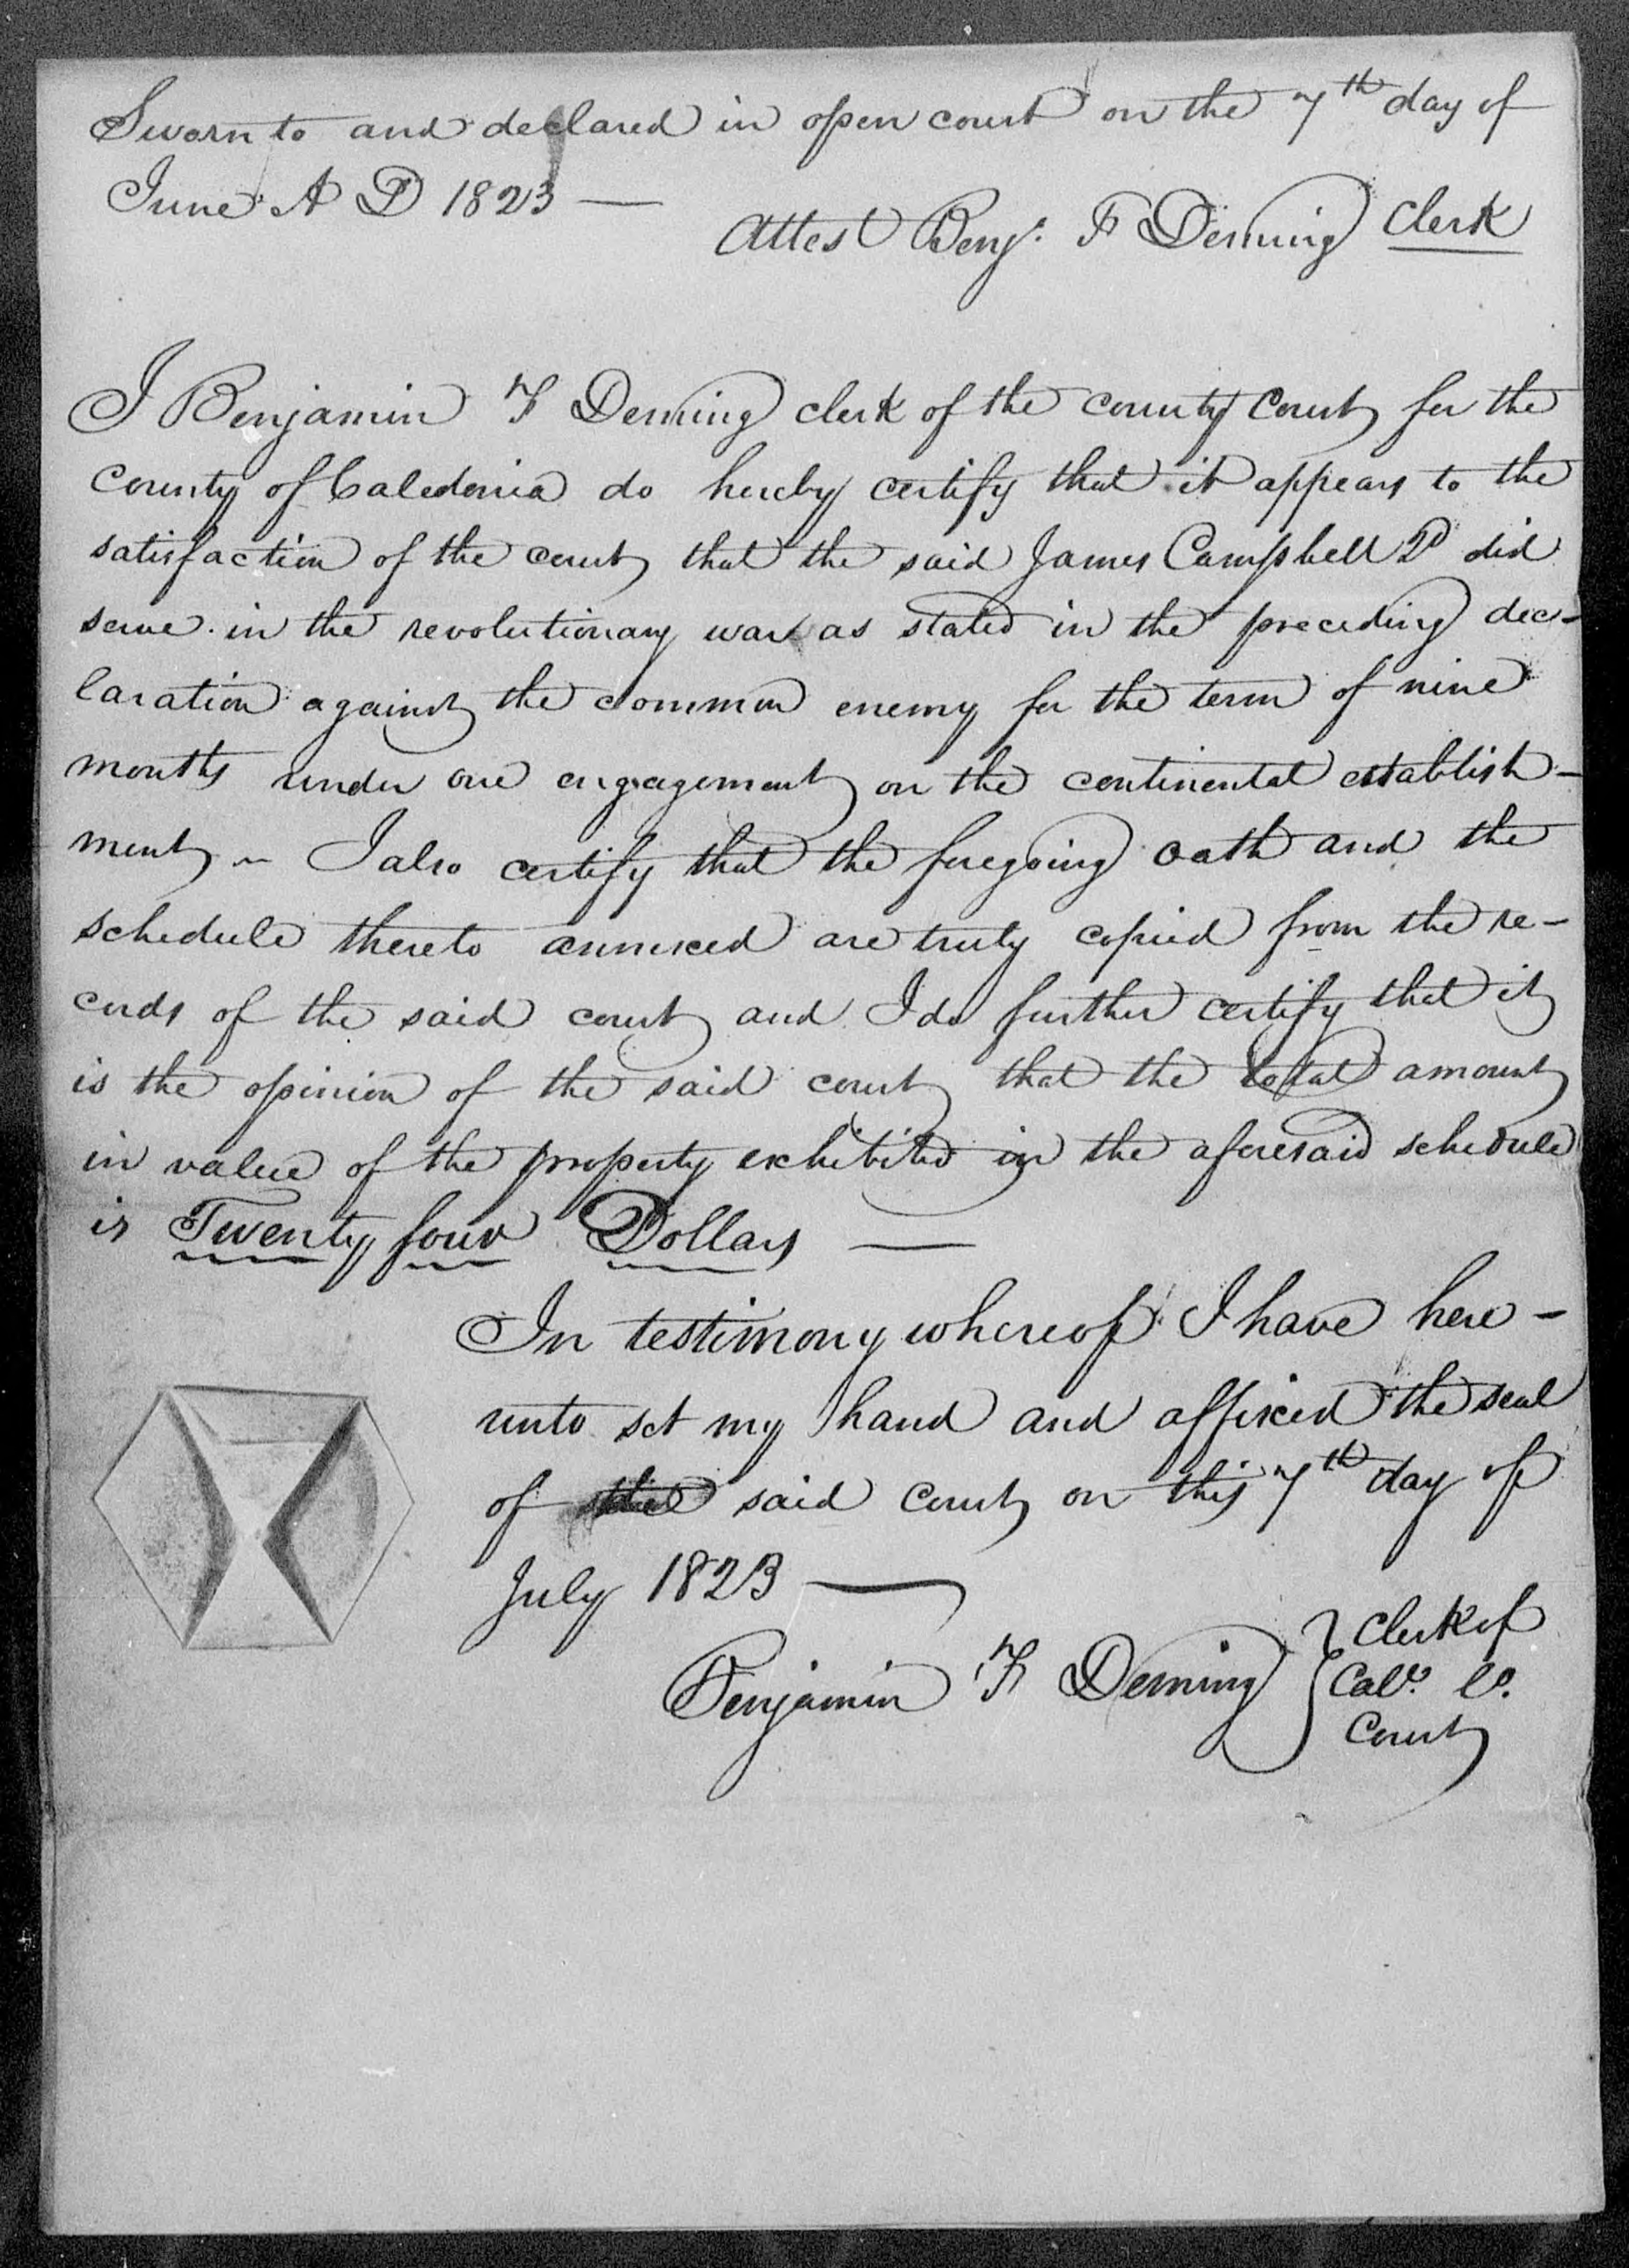Sworn to and declared in open court on the 7th day of June AD 1823
Attest Benj. F Deming Clerk

I Benjamin F Deming clerk of the county court for the county of Caledonia do hereby certify that it appears to the satisfaction of the court that the said James Campbell 2d did serve in the revolutionary war as stated in the preceding declaration against the common enemy for the term of nine months under one engagement on the continental establishment. I also certify that the foregoing oath and the
Schedule thereto annexed are truly copied from the records of the said court and I do further certify that it is the opinion of the said court that the total amount in value of the property exhibited in the aforesaid schedule
is Twenty four Dollars -

In testimony whereof I have hereunto set my hand and affixed the seal of the said court on this 7th day of July 1823
Benjamin F Deming} Clerk of
                                  Cal. Co. Court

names: Benjamin F Deming, Benja F Deming, Benjamin F Deming, James Campbell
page: 10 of 67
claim: widow's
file: W. 23772, James Campbell, Continental Mass.